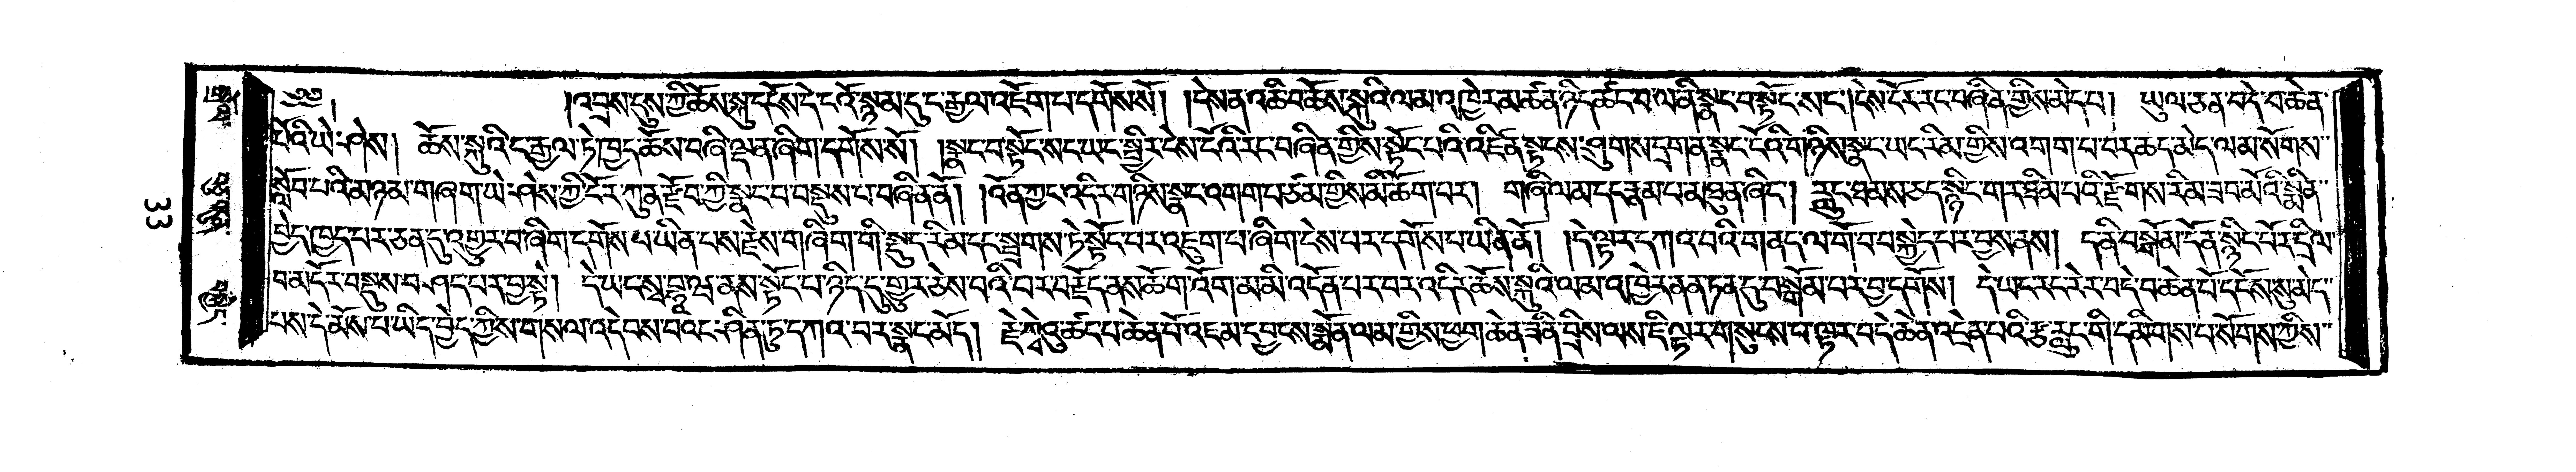༄༅། །འབྲས་དུས་ཀྱི་ཆོས་སྐུ་དངོས་དེ་ངའོ་སྙམ་དུང་རྒྱལ་འཇོག་པ་དགོས་སོ། །དེས་ན་འཆི་བ་ཆོས་སྐུའི་ལམ་འཁྱེར་མཚན་ཉིད་ཚང་བ་ལ་ནི་སྣང་བ་སྟོངས་པ། ངེས་ངོར་རང་བཞིན་གྱིས་མེད་པ། ཡུལ་ཅན་བདེ་བ་ཆེན་
པོའི་ཡེ་ཤེས། ཆོས་སྐུའི་ང་རྒྱལ་ཏེ་ཁྱད་ཆོས་བཞི་ལྡན་ཞིག་དགོས་སོ། །སྣང་བ་སྟོང་སང་ཡང་སྤྱིར་ངེས་ངོའི་རང་བཞིན་གྱིས་སྟོང་པའི་འཛིན་སྟངས་ཤུགས་དྲག་ན་སྣང་ངོའི་གཉིས་སྣང་ཡང་རིམ་གྱིས་འགག་པ་བར་ཆད་མེད་ལམ་སོགས་
སློབ་པའི་མཉམ་གཞག་ཡེ་ཤེས་ཀྱི་ངོར་ཀུན་རྫོབ་ཀྱི་སྣང་བ་བསྡུས་པ་བཞིན་ནོ། །འོན་ཀྱང་འདིར་གཉིས་སྣང་འགག་པ་ཙམ་གྱིས་མི་ཆོག་པར། གཞི་ལམ་ངང་རྣམ་པ་མཐུན་ཞིང་། རླུང་ཐམས་ཅད་སྙིང་གར་ཐིམ་པའི་རྫོགས་རིམ་ཟབ་མོའི་སྨིན་
བྱེད་ཁྱད་པར་ཅན་དུ་འགྱུར་བ་ཞིག་དགོས་པ་ཡིན་པས་རྗེས་གཞིག་གི་སྡུད་རིམ་དང་སྦྲགས་ཏེ་སྟོང་པར་འཇུག་པ་ཞིག་ངེས་པར་དགོས་པ་ཡིན་ནོ། །དེ་ལྟར་དཀའ་བའི་གནད་ལ་གོ་བ་བསྐྱེད་པར་བྱས་ནས། ད་ནི་བསྒོམ་དོན་སྙིང་པོར་དྲིལ་
བ་མདོར་བསྡུས་བཤད་པར་བྱ་སྟེ། དེ་ཡང་སྭབྷཱ་ཝ་ནས་སྟོང་པ་ཉིད་དུ་གྱུར་ཅེས་པའི་བར་བརྗོད་ནས་ཆོག་འོག་མ་མི་འདོན་པར་འདིར་ཆོས་སྐུའི་ལམ་འཁྱེར་ནན་ཏན་དུ་བསྒོམ་པར་བྱ་དགོས། དེ་ཡང་རང་རེར་བདེ་བ་ཆེན་པོ་དངོས་སུ་མེད་
པས་དེ་མོས་པ་ཡིད་བྱེད་ཀྱིས་གསལ་འདེབས་པའང་ཤིན་ཏུ་དཀའ་བར་སྣང་མོད། རྗེ་ཀྭེའུ་ཚང་པ་ཆེན་པོ་འཇམ་དབྱངས་སྨོན་ལམ་གྱིས་ཕྱག་ཆེན་ཟིན་བྲིས་ལས་ཇི་ལྟར་གསུངས་པ་ལྟར་བདེ་ཆེན་འདྲེན་པའི་རྩ་རླུང་གི་དམིགས་པ་སོགས་ཀྱིས་